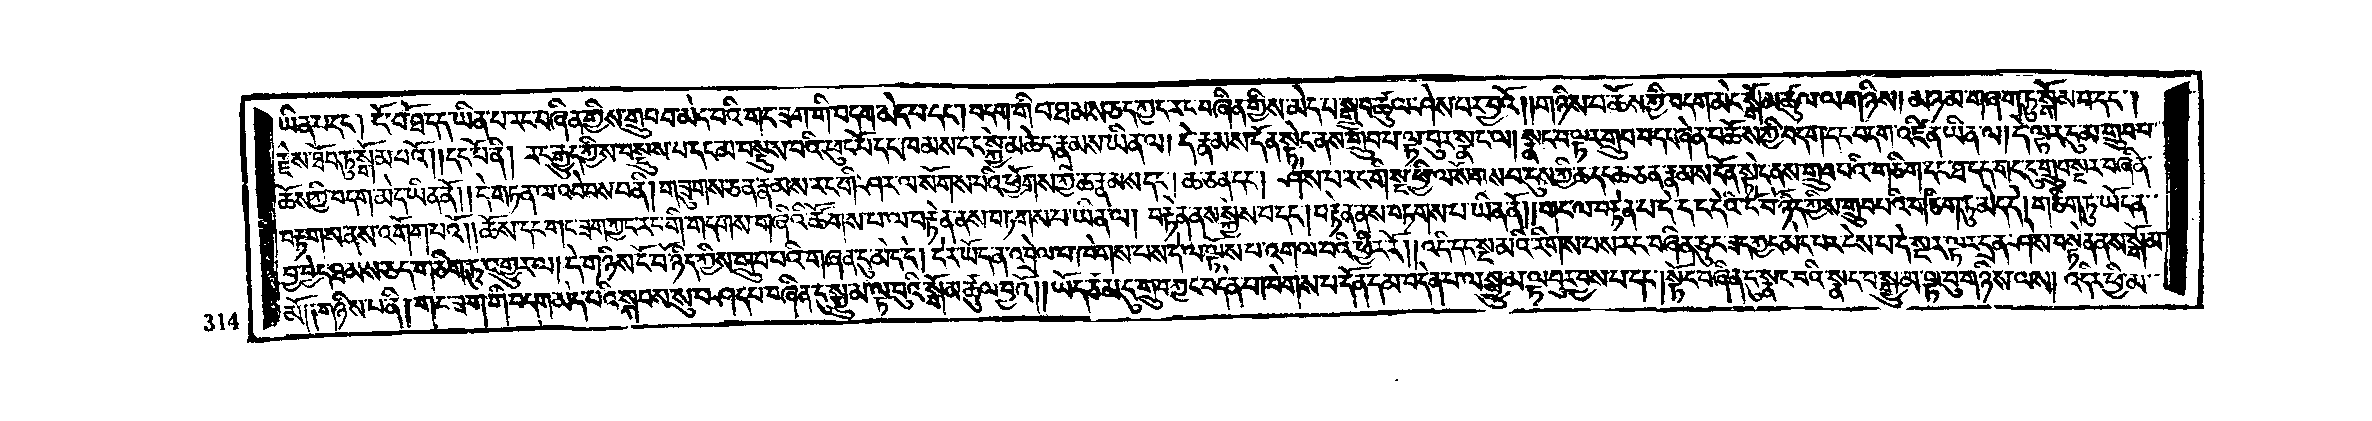ཡིན་པ་དང་། ངོ་བོ་ཐ་དད་ཡིན་པ་རང་བཞིན་གྱིས་གྲུབ་པ་མེད་པའི་གང་ཟག་གི་བདག་མེད་པ་དང་། བདག་གི་བ་ཐམས་ཅད་ཀྱང་རང་བཞིན་གྱིས་མེད་པ་སྒྲུབ་ཚུལ་ཤེས་པར་བྱའོ། །གཉིས་པ་ཆོས་ཀྱི་བདག་མེད་སྒོམ་ཚུལ་ལ་གཉིས། མཉམ་གཞག་ཏུ་སྒོམ་པ་དང་།
རྗེས་ཐོབ་ཏུ་སྒོམ་པའོ། །དང་པོ་ནི། རང་རྒྱུད་ཀྱིས་བསྡུས་པ་དང་མ་བསྡུས་པའི་ཕུང་པོ་དང་ཁམས་དང་སྐྱེ་མཆེད་རྣམས་ཡིན་ལ། དེ་རྣམས་དོན་སྟེང་ནས་གྲུབ་པ་ལྟ་བུར་སྣང་ལ། སྣང་བ་ལྟར་གྲུབ་པ་དང་ཞེན་པ་ཆོས་ཀྱི་བདག་དང་བདག་འཛིན་ཡིན་ལ། དེ་ལྟར་དུ་མ་གྲུབ་པ་
ཆོས་ཀྱི་བདག་མེད་ཡིན་ནོ། །དེ་གཏན་ལ་འབེབས་པ་ནི། གཟུགས་ཅན་རྣམས་རང་གི་ཤར་ལ་སོགས་པའི་ཕྱོགས་ཀྱི་ཆ་རྣམས་དང་། ཆ་ཅན་དང་། ཤེས་པ་རང་གི་སྔ་ཕྱི་ལ་སོགས་པ་དུས་ཀྱི་ཆ་དང་ཆ་ཅན་རྣམས་དོན་སྟེང་ནས་གྲུབ་པའི་གཅིག་དང་ཐ་དད་གང་དུ་གྲུབ་སྔར་བཞིན་
བརྟགས་ནས་འགོག་པའོ། །ཆོས་དང་གང་ཟག་ཀྱང་རང་གི་གདགས་གཞིའི་ཚོགས་པ་ལ་བརྟེན་ནས་བཏགས་པ་ཡིན་ལ། བརྟེན་ནས་སྐྱེས་པ་དང་། བརྟེན་ནས་བཏགས་པ་ཡིན་ནོ། །གང་ལ་བརྟེན་པ་དེ་དང་དེའི་ངོ་བོ་ཉིད་ཀྱིས་གྲུབ་པའི་གཅིག་ཏུ་མེད་དེ། གཅིག་ཏུ་ཡོད་ན་
བྱ་བྱེད་ཐམས་ཅད་གཅིག་ཏུ་འགྱུར་ལ། དེ་གཉིས་ངོ་བོ་ཉིད་ཀྱིས་གྲུབ་པའི་གཞན་དུ་མེད་དེ། དེར་ཡོད་ན་འབྲེལ་པ་ཁེགས་པས་དེ་ལ་ལྟོས་པ་འགལ་བའི་ཕྱིར་རོ། །འདི་དང་སྔ་མའི་རིགས་པས་རང་བཞིན་ཅུང་ཟད་ཀྱང་མེད་པར་ངེས་པ་དེ་སྔར་ལྟར་དྲན་ཤེས་བསྟེན་ནས་སྒོམ་
མོ། །གཉིས་པ་ནི། གང་ཟག་གི་བདག་མེད་པའི་སྐབས་སུ་བཤད་པ་བཞིན་དུ་སྒྱུ་མ་ལྟ་བུའི་སྒོམ་ཚུལ་བྱའོ། །ཡོད་ཙམ་དུ་གྲུབ་ཀྱང་བདེན་པ་ཁེགས་པ་དོན་དམ་བདེན་པ་ལ་སྒྱུ་མ་ལྟ་བུར་བྱས་པ་དང་། སྟོང་བཞིན་དུ་སྣང་བའི་སྣང་བ་སྒྱུ་མ་ལྟ་བུ་གཉིས་ལས། འདིར་ཕྱི་མ་